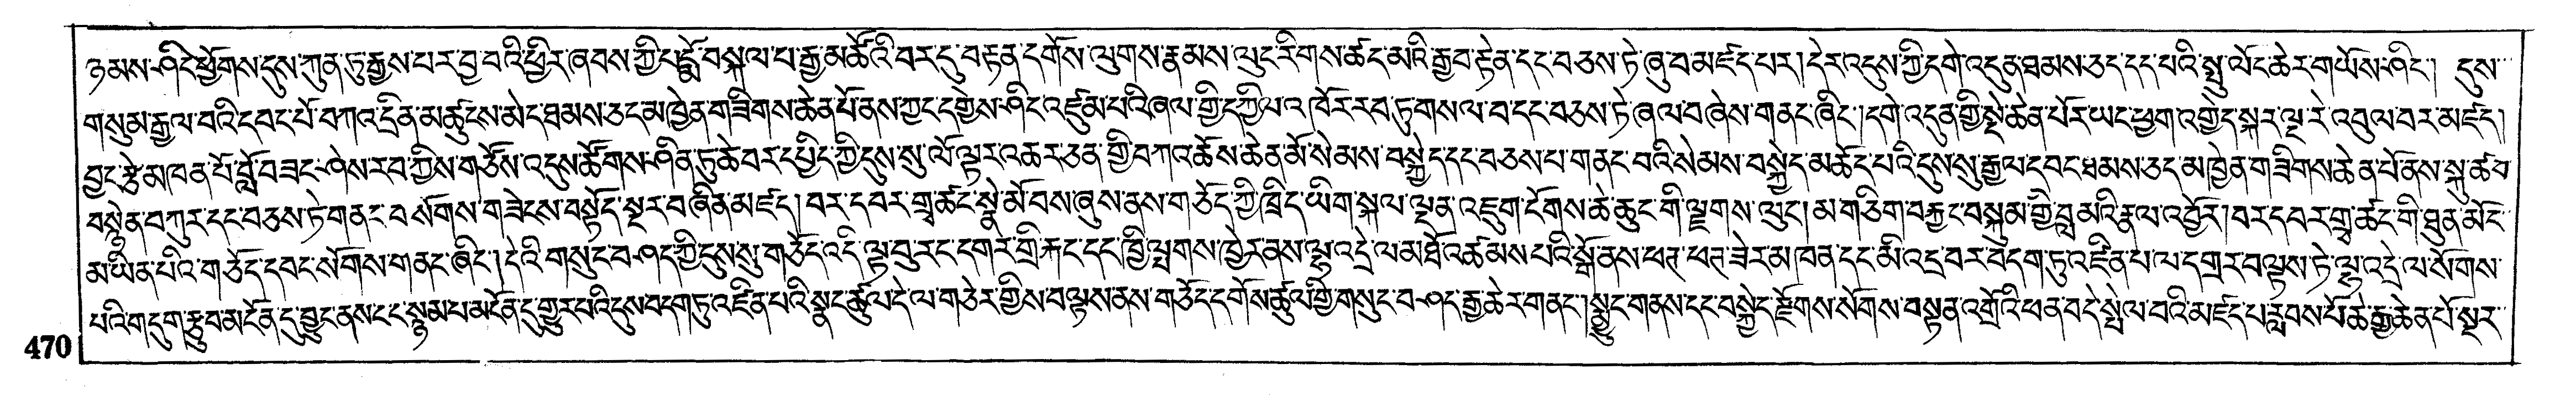ཉམས་ཤིང་ཕྱོགས་དུས་ཀུན་ཏུ་རྒྱས་པར་བྱ་བའི་ཕྱིར་ཞབས་ཀྱི་པདམོ་བསྐལ་པ་རྒྱ་མཚོའི་བར་དུ་བརྟན་དགོས་ལུགས་རྣམས་ལུང་རིགས་ཚད་མའི་རྒྱབ་རྟེན་དང་བཅས་ཏེ་ཞུ་བ་མཛད་པར། དེར་འདུས་ཀྱི་དགེ་འདུན་ཐམས་ཅད་དད་པའི་སྤུ་ལོང་ཆེར་གཡོས་ཤིང་། དུས་
གསུམ་རྒྱལ་བའི་དབང་པོ་བཀའ་དྲིན་མཚུངས་མེད་ཐམས་ཅད་མཁྱེན་གཟིགས་ཆེན་པོ་ནས་ཀྱང་དགྱེས་ཤིང་འཛུམ་པའི་ཞལ་གྱི་དཀྱིལ་འཁོར་རབ་ཏུ་གསལ་བ་དང་བཅས་ཏེ་ཞལ་བཞེས་གནང་ཞིང་།དགེ་འདུན་གྱི་སྡེ་ཆེན་པོར་ཡང་ཕྱག་འགྱེད་སྐར་ལྔ་རེ་འབུལ་བར་མཛད།
བྱང་རྩེ་མཁན་པོ་བློ་བཟང་ཤེས་རབ་ཀྱིས་གཙོས་འདུས་ཚོགས་ཤིན་ཏུ་ཆེ་བར་དཔྱིད་ཀྱི་དུས་སུ་ལོ་ལྟར་འཆར་ཅན་གྱི་བཀའ་ཆོས་ཆེན་མོ་སེམས་བསྐྱེད་དང་གཅས་པ་གནང་བའི་སེམས་བསྐྱེད་མཆོད་པའི་དུས་སུ་རྒྱལ་དབང་ཐམས་ཅད་མཁྱེན་གཟིགས་ཆེན་པོ་ནས་སྐུ་ཚབ་
བསྙེན་བཀུར་དང་བཅས་ཏེ་གནང་བ་སོགས་གཟེངས་བསྟོད་སྔར་བཞིན་མཛད། བར་དབང་གྲྭ་ཚང་སྣེ་མོ་བས་ཞུས་ནས་གཅོད་ཀྱི་ཁྲིད་ཡིག་སྐལ་ལྡན་འཇུག་དོགས་ཆེ་ཆུང་གི་ལྗགས་ལུང་། མ་གཅིག་བརྐྱང་བསྐུམ་གྱི་བླ་མའི་རྣལ་འབྱོར། བར་དབར་གྲྭ་ཚང་གི་ཐུན་མོང་
མ་ཡིན་པའི་གཅོད་དབང་སོགས་གནང་ཞིང་། དེའི་གསུང་བཤད་ཀྱི་དུས་སུ་གཅོད་འདི་ལྟ་བུ་རང་དགར་གྲི་རྐང་དང་ཁྱི་ལྤགས་ཁྱེར་ནས་ལྷ་འདྲེ་ལ་མཐོ་འཚམས་པའི་སྒོ་ནས་ཕཊ་ཕཊ་ཟེར་མཁན་དང་མི་འདྲ་བར་བདག་ཏུ་འཛིན་པ་ལ་དགྲར་བལྟས་ཏེ་ལྷ་འདྲི་ལ་སོགས་
པའི་གདུག་རྩུབ་མངོན་དུ་བྱུང་ནས་ང་བསྙམ་པ་མངོན་དུ་གྱུར་པའི་དུས་བདག་ཏུ་འཛིན་པའི་སྣང་ཚུལ་དེ་ལ་གཅེར་གྱིས་བལྟས་ནས་གཅོད་དགོས་ཚུལ་གྱི་གསུང་བཤད་རྒྱ་ཆེར་གནང་། སྨྱུང་གནས་དང་བསྐྱེད་རྫོགས་སོགས་བསྟན་འགྲོའི་ཕན་བདེ་སྤེལ་པའི་མཛད་པ་རླབས་པོ་ཆེ་རྒྱ་ཆེན་པོ་སྔར་